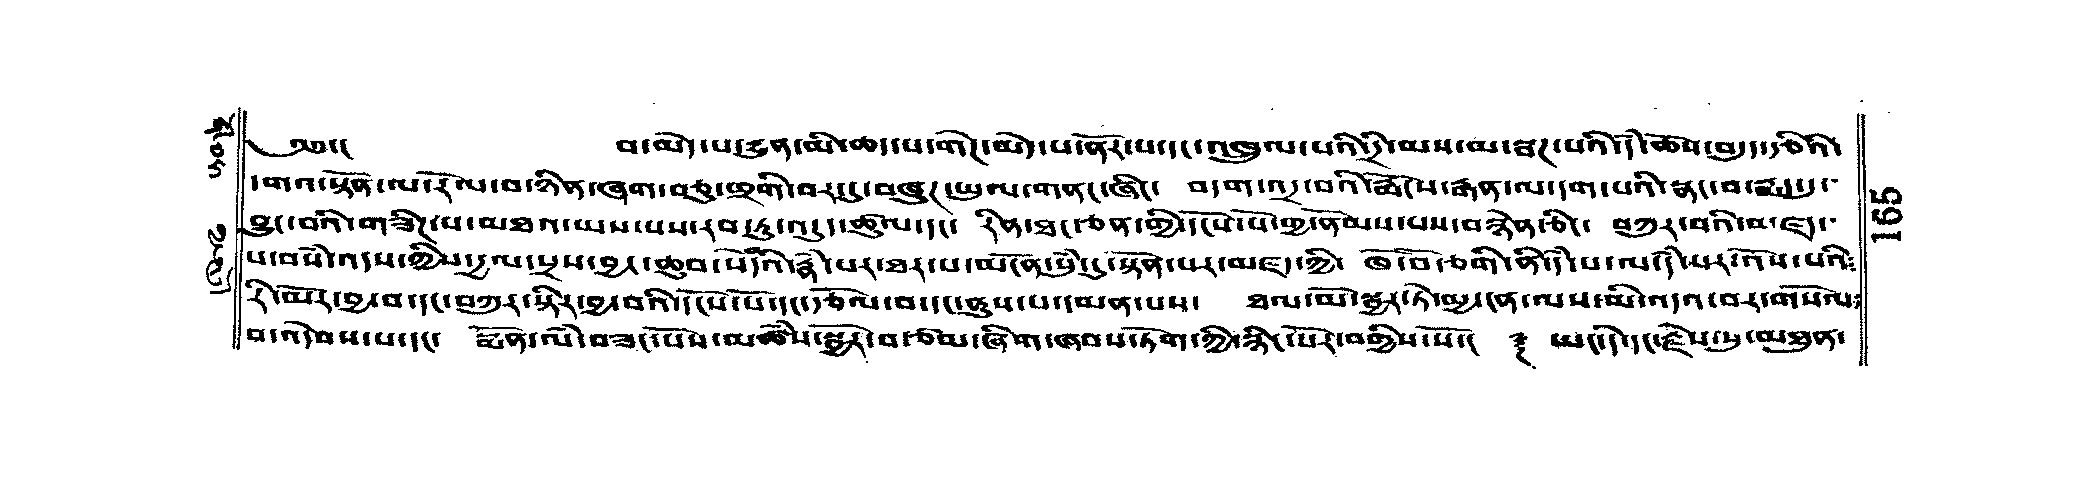བ་མེད་པ་རྒྱུན་མི་ཆད་པ་གེགས་མེད་པ་ནོར་པ་དང་འཁྲུལ་པའི་དྲི་མས་མ་སྦགས་པའི་དམ་ཆོས་བདུད་རྩིའི་
དགའ་སྟོན་ལ་རོལ་བ་ཉིན་ཞག་བཅུ་ཕྲག་གི་བར་དུ་བཞུགས་ཡུལ་གནང་ཞིང་། བདག་འདྲ་བའི་རྨོངས་རྒན་ལ་དག་པའི་སྣང་བ་རྨད་དུ་
བྱུང་བའི་གཟིགས་པ་མཐའ་ཡས་པས་རབ་ཏུ་འདུད་ཚུལ་དང་། རིན་ཐང་ཅན་གྱི་དངོས་པོ་གྱ་ནོམས་པས་བསྙེན་ཅིང་། བཀུར་བའི་མཛད་
པ་བསམ་འདས་ཀྱི་རྒྱལ་སྲས་བྱང་ཆུབ་སེམས་དཔའི་རྣམ་པར་ཐར་པ་མངོན་སུམ་ཏུ་སྟོན་པར་མཛད་ཀྱི། ཁོ་བོ་ཅག་གི་ནི་དམ་པ་ལ་དམ་པར་འོས་པའི་
རི་མོར་བྱ་བ་དང་བཀུར་སྟིར་བྱ་བའི་དངོས་པོ་དང་རྩོལ་བ་དང་ནུས་པ་དམན་པས། ཐལ་མོ་སྦྱར་ཏེ་མྱ་ངན་ལས་མི་འདའ་བར་གསོལ་
བ་འདེབས་པ་དང་། སྨོན་ལམ་བཟང་པོས་མཚམས་སྦྱོར་བ་ཙམ་ཞིག་ཞབས་ཏོག་གི་སྙིང་པོར་བགྱིས་སོ།། ཡང་དེ་དང་རྗེས་སུ་མཐུན་